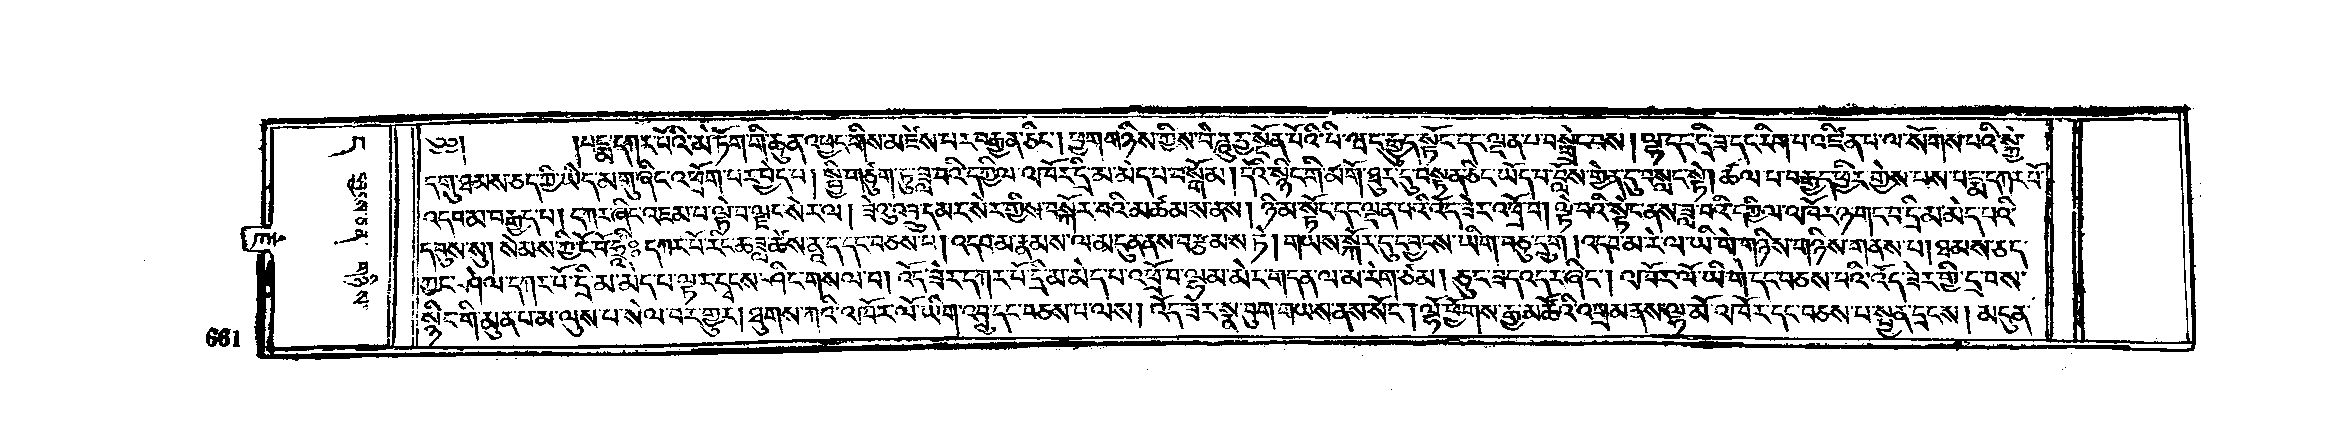༄༅། །པདམ་དཀར་པོའི་མེ་ཏོག་གི་ཆུན་འཕྱང་གིས་མཛེས་པར་བརྒྱན་ཅིང་། ཕྱག་གཉིས་ཀྱིས་བཻ་ཌཱུརྱ་སྔོན་པོའི་པི་ཝང་རྒྱུད་སྟོང་དང་ལྡན་པ་བསྒྲེང་བས། ལྷ་དང་དྲི་ཟ་དང་རིག་པ་འཛིན་པ་ལ་སོགས་པའི་སྐྱེ་
དགུ་ཐམས་ཅད་ཀྱི་ཡིད་མགུ་ཞིང་འཕྲོག་པར་བྱེད་པ། སྤྱི་གཙུག་ཏུ་ཟླ་བའི་དཀྱིལ་འཁོར་དྲི་མ་མེད་པ་བསྒོམ། དེའི་སྙིང་གི་མགོ་ཐུར་དུ་བསྟན་ཅིང་ཡོད་པ་བློས་གྱེན་དུ་བསླང་སྟེ། ཚལ་པ་བརྒྱད་ཕྱིར་གྱེས་པས་པདམ་དཀར་པོ་
འདབ་མ་བརྒྱད་པ། དཀར་ཞིང་འཇམ་པ་ལྟེ་བ་ལྗང་སེར་ལ། ཟེའུ་འབྲུ་དམར་སེར་གྱིས་བསྐོར་བའི་མཚམས་ནས། ཉི་མ་སྟོང་དང་ལྡན་པའི་འོད་ཟེར་འཕྲོ་བ། ལྟེ་བའི་སྟེང་ནས་ཟླ་བའི་དཀྱིལ་འཁོར་ཉ་གང་བ་དྲི་མ་མེད་པའི་
དབུས་སུ། སེམས་ཀྱི་ངོ་བོ་ཧྲཱིཾཿ དཀར་པོ་རིང་ཆ་ཟླ་ཚེས་ནཱ་ད་དང་བཅས་པ། འདབ་མ་རྣམས་ལ་མདུན་ནས་བརྩམས་ཏེ། གཡས་སྐོར་དུ་དབྱངས་ཡིག་བཅུ་དྲུག །འདབ་མ་རེ་ལ་ཡི་གེ་གཉིས་གཉིས་གནས་པ། ཐམས་ཅད་
ཀྱང་ཤེལ་དཀར་པོ་དྲི་མ་མེད་པ་ལྟར་དྭངས་ཤིང་གསལ་བ། འོད་ཟེར་དཀར་པོ་དྲི་མ་མེད་པ་འཕྲོ་བ་ལྷམ་མེར་གདན་ལ་མ་རེག་ཙམ། ཅུང་ཟད་འདར་ཞིང་། འཁོར་ལོ་ཡི་གེ་དང་བཅས་པའི་འོད་ཟེར་གྱི་དྲ་བས་
སྙིང་གི་མུན་པ་མ་ལུས་པ་སེལ་བར་གྱུར། ཐུགས་ཀའི་འཁོར་ལོ་ཡིག་འབྲུ་དང་བཅས་པ་ལས། འོད་ཟེར་སྣ་བུག་གཡས་ནས་སོང་། ལྷོ་ཕྱོགས་རྒྱ་མཚོའི་འགྲམ་ནས་ལྷ་མོ་འཁོར་དང་བཅས་པ་སྤྱན་དྲངས། མདུན་